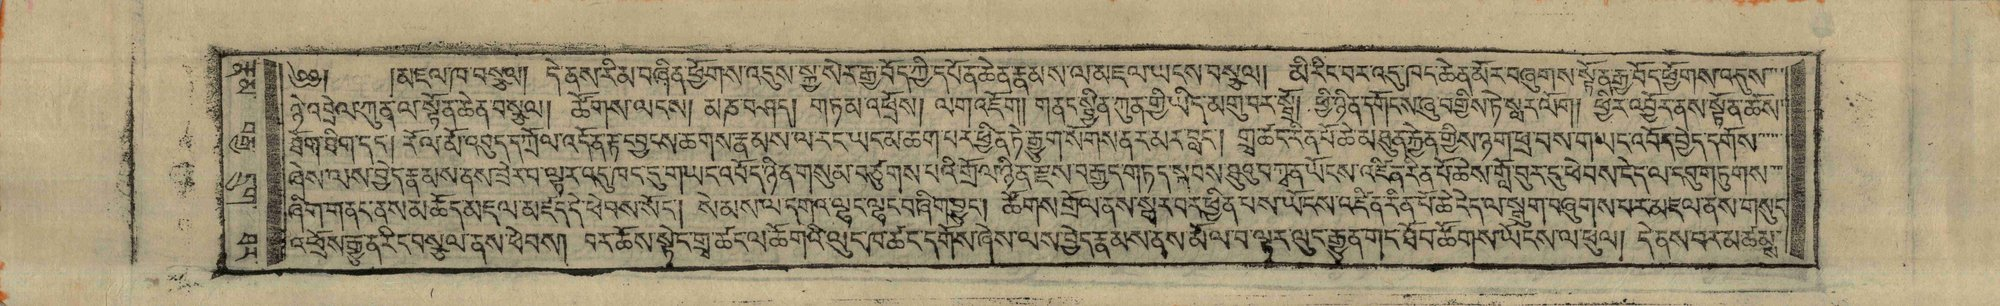༄༅། །མཇལ་ཁ་བསྩལ། དེ་ནས་རིམ་བཞིན་ཕྱོགས་འདུས་སྐྱ་སེར་རྒྱ་བོད་ཀྱི་དཔོན་ཆེན་རྣམས་ལ་མཇལ་ཡངས་བསྩལ། མི་རིང་བར་འདུ་ཁང་ཆེན་མོར་བཞུགས་སྟོན་རྒྱ་བོད་ཕྱོགས་འདུས་
ཉེ་འབྲེལ་ཀུན་ལ་སྟོན་ཆེན་བསྩལ། ཚོགས་ལངས། མཎ་བཤད། གཏམ་འཕྲོས། ལག་འཇོག །གནང་སྦྱིན་ཀུན་གྱི་ཡིད་མགུ་བར་སྦྲོ། ཕྱི་ཉིན་དགོངས་ཞུ་བགྱིས་ཏེ་སླར་ལོག །ཕྱིར་འབྱོར་ནས་སྟོན་ཆོས་
ཐོག་ཐིག་དང་། རོལ་མོ་འབུད་དཀྲོལ་འདོན་རྟ་དབྱངས་ཆགས་རྣམས་ལ་རང་ཡང་མ་ཆག་པར་ཕྱིན་ཏེ་རྒྱུག་སོགས་ནར་མར་བླང་། གྲྭ་ཚང་རིན་པོ་ཆེ་མཐུན་རྐྱེན་གྱིས་ཉག་ཕྲ་བས་གཡང་འབོད་བྱེད་དགོས་
ཞེས་ལས་བྱེད་རྣམས་ནས་ཟེར་བ་ལྟར་འདུ་ཁང་དུ་གཡང་འབོད་ཉིན་གསུམ་བཙུགས་པའི་གྲོལ་ཉིན་རྫས་བརྒྱད་གཏད་སྐབས་ཐུའུ་བཀྭན་ཡོངས་འཛིན་རིན་པོ་ཆེས་གློ་བུར་དུ་ཕེབས་ངེད་ལ་དབུ་གཏུགས་
ཞིག་གནང་ནས་མཆོད་མཇལ་མཛད་དེ་ཕེབས་སོང་། སེམས་ལ་དགའ་ལྷང་ལྷང་བ་ཞིག་བྱུང་། ཚོགས་གྲོལ་ནས་སྒར་བར་ཕྱིན་པས་ཡོངས་འཛིན་རིན་པོ་ཆེ་ངེད་ལ་སྒུག་བཞུགས་པར་མཇལ་ནས་གསུང་
འཕྲོས་རྒྱུན་རིང་བསྩལ་ནས་ཕེབས། བར་ཆོས་སྟེང་གྲྭ་ཚང་ལ་ཆོ་གའི་ལུང་ཁ་ཚང་དགོས་ཞེས་ལས་བྱེད་རྣམས་ནས་མོལ་བ་ལྟར་ལུང་རྒྱུན་གང་ཐོབ་ཚོགས་ཡོངས་ལ་ཕུལ། དེ་ནས་བར་མཚམས་